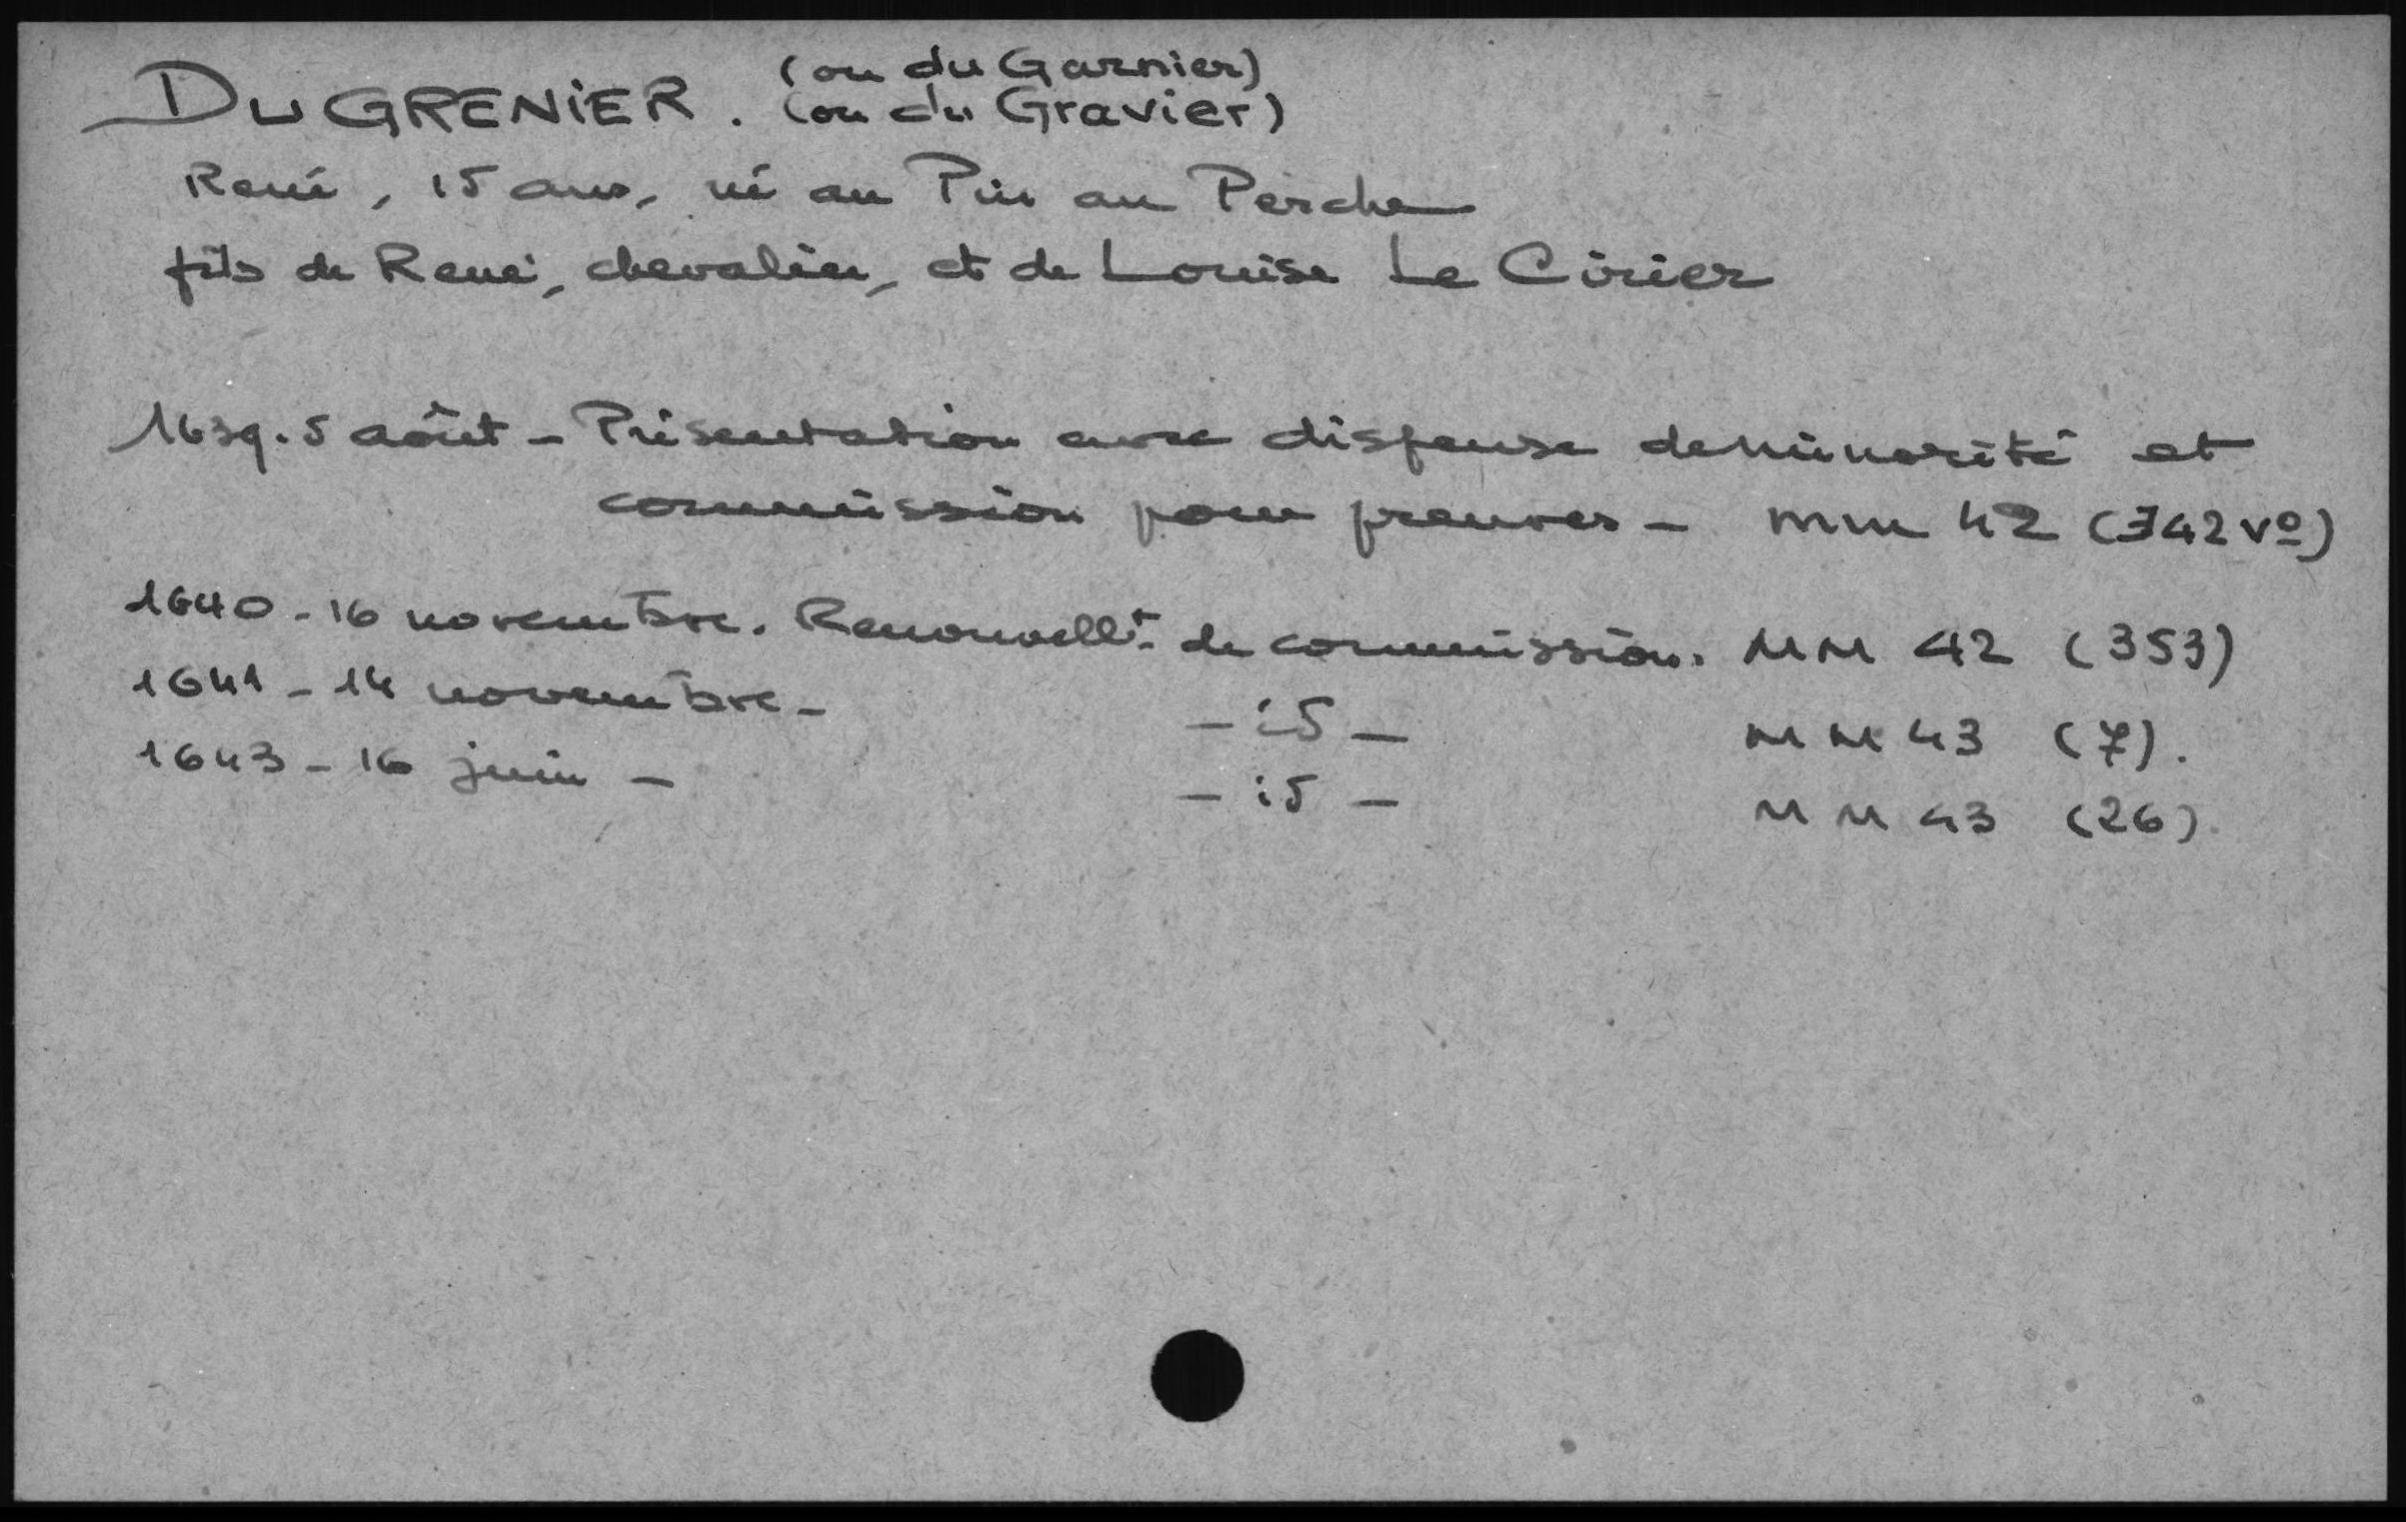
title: DU GRENIER (ou du GARNIER ou du GRAVIER), René, 15 ans, né au Pin au Perche, fils de René, chevalier, et de Louise Le Cirier.
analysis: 1639, 5 août. Présentation avec dispense de minorité et commission pour preuves. MM 42 (342v) 1640, 16 novembre. Renouvellement de commission. MM 42 (353) 1641, 14 novembre. - idem -MM 43 (7). 1643, 16 juin. - idem - MM 43 (26).
